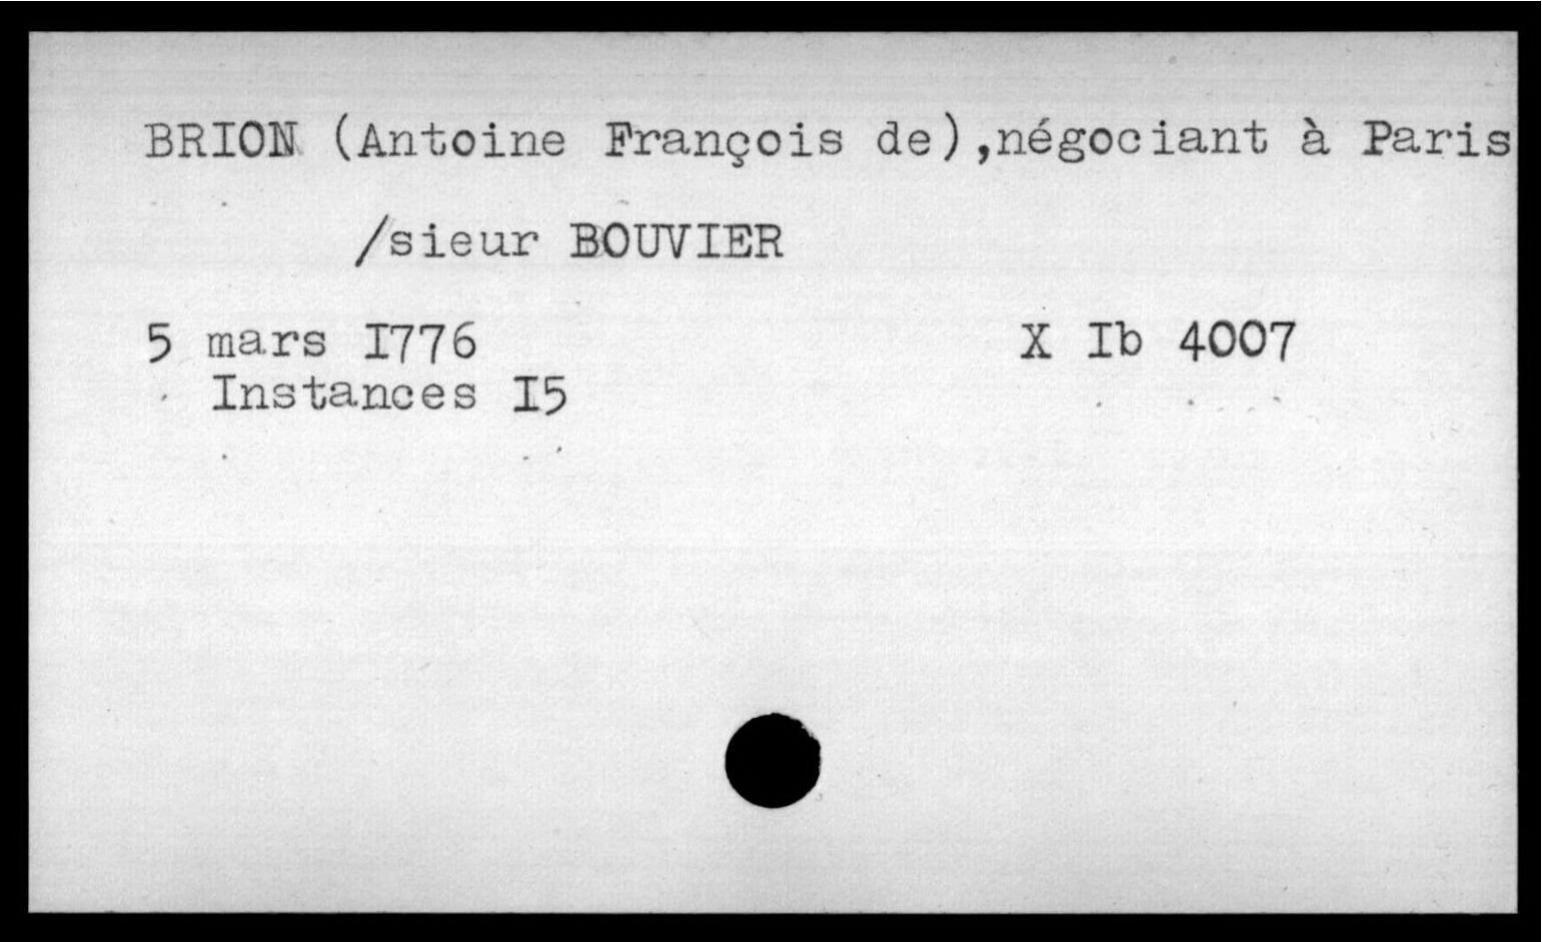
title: BRION (Antoine François de), négociant à Paris
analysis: Contre sieur BOUVIER
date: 5 mars 1776
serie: X1b
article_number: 4007
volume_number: Instances, 15
